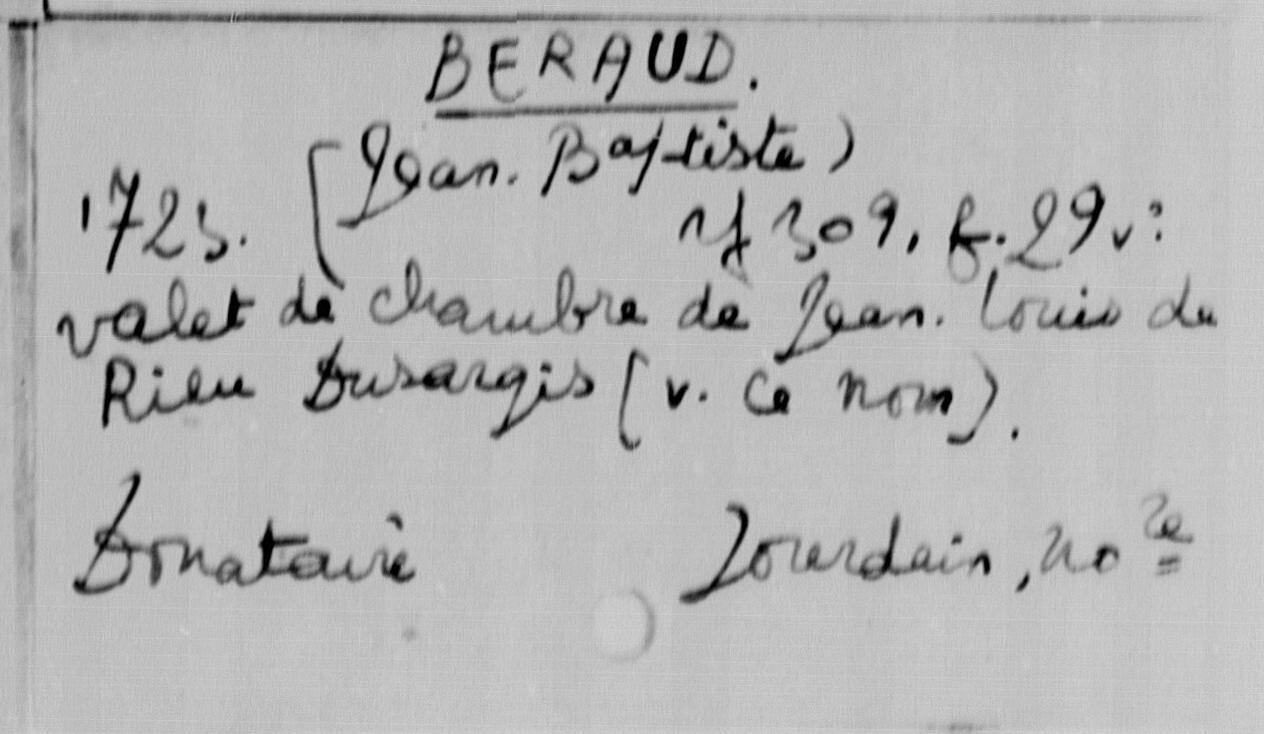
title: BERAUD (Jean-Baptiste)
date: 1723
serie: Y
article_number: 309
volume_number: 29v
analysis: Valet de chambre de Jean-Louis de Rieu Dusargis (voir ce nom) Donataire. Jourdain, notaire.
